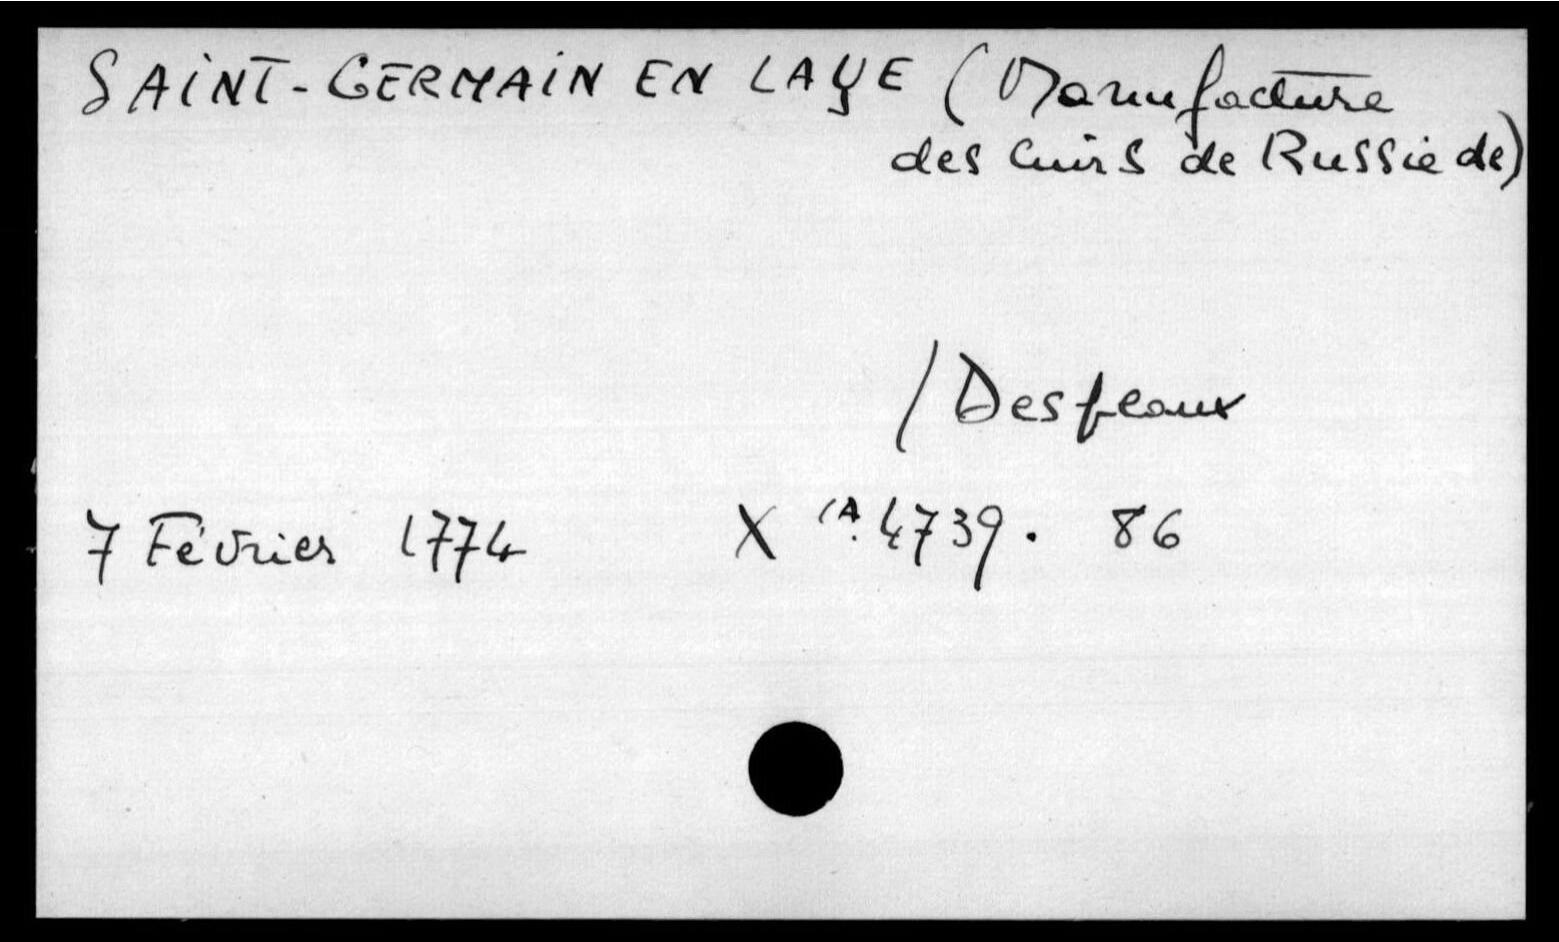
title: SAINT-GERMAIN EN LAYE (Manufacture des cuirs de Russie de)
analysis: Contre Despeaux
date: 7 février 1774
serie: X1A
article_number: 4739
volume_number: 86
